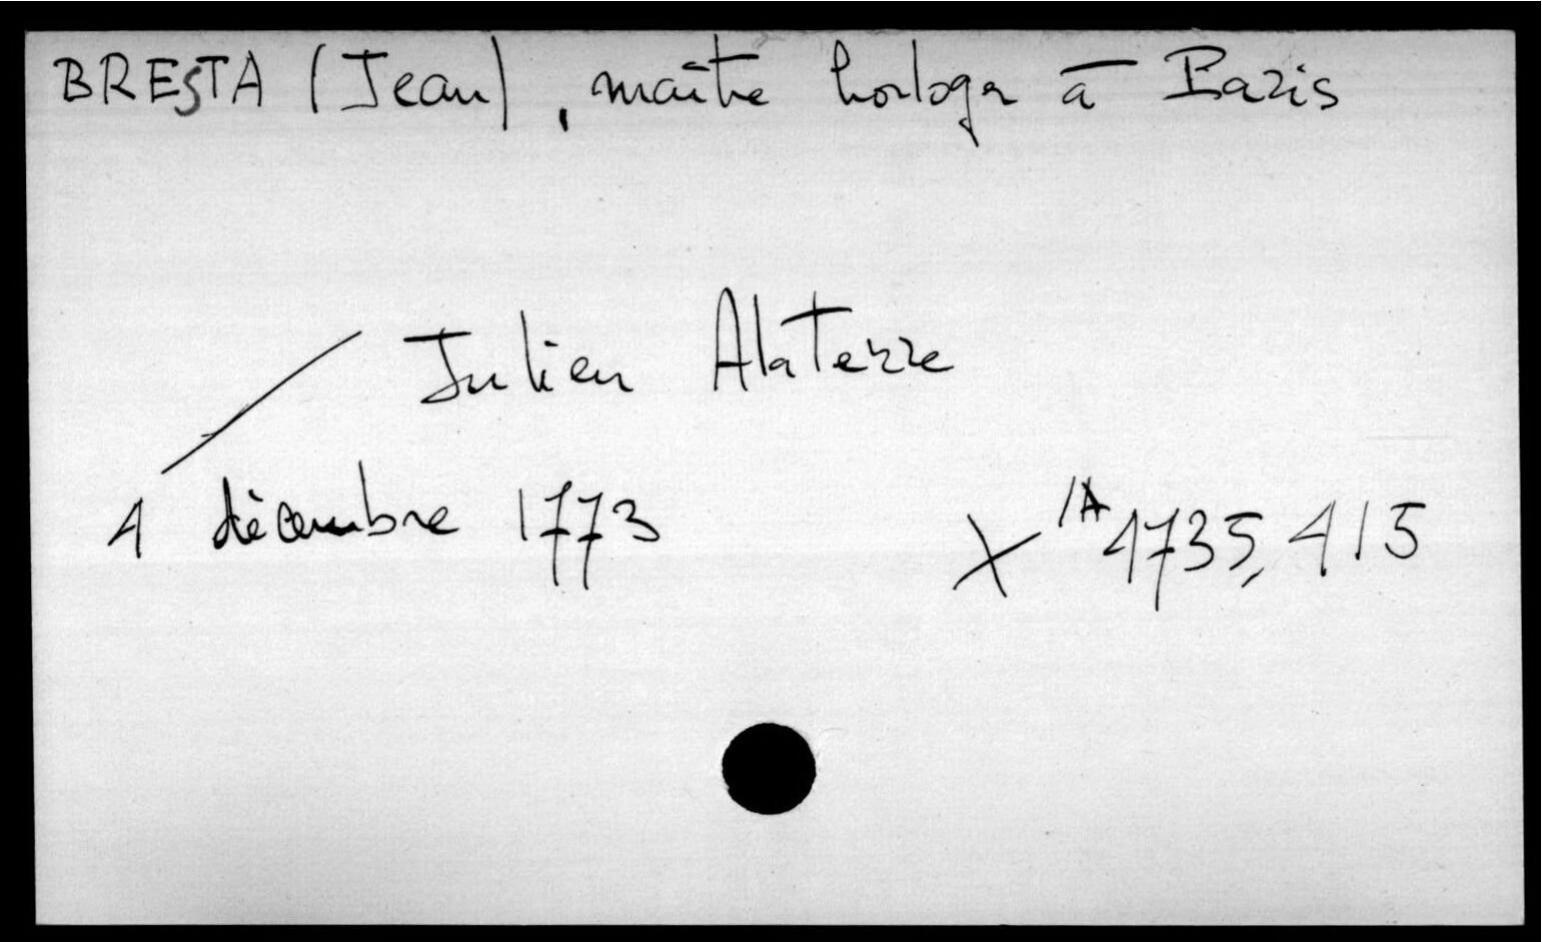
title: BRESTA (Jean), maître horloger à Paris
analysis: Contre Julien Alaterre
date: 4 décembre 1773
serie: X1A
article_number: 4735
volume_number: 415
